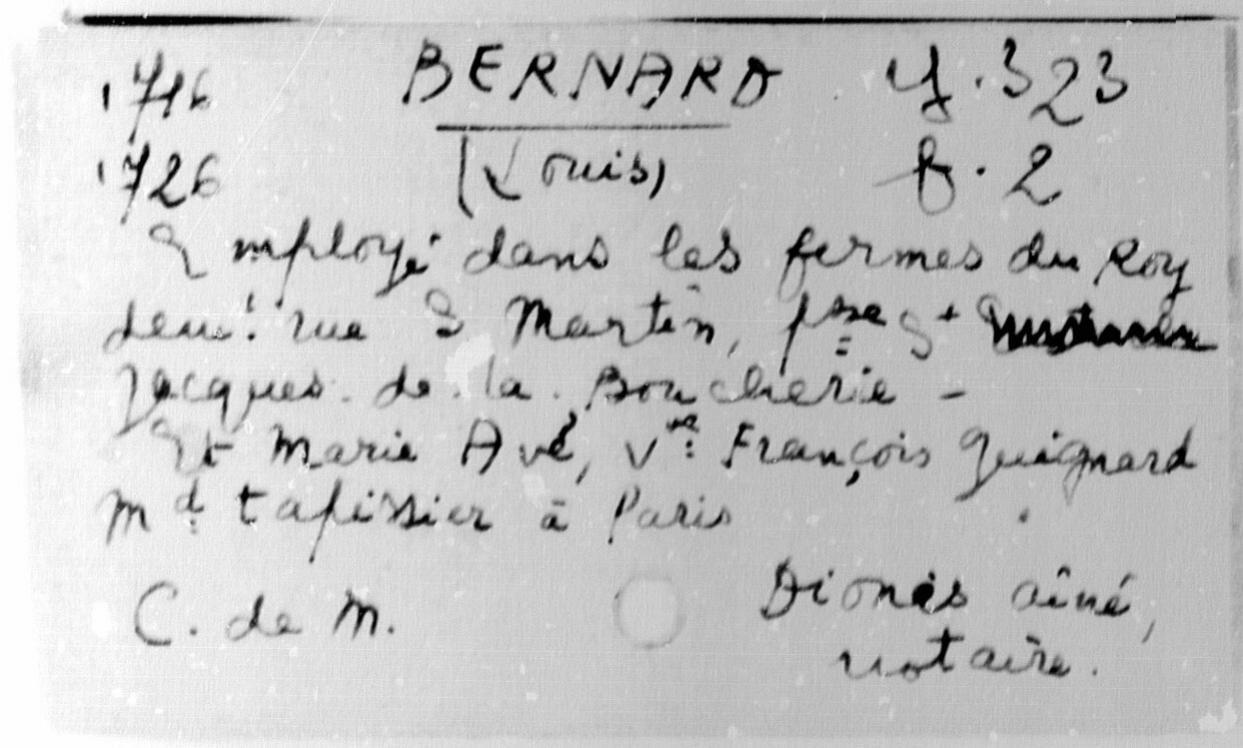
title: BERNARD (Louis)
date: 1716-1726
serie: Y
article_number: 323
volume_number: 2
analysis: Employé dans les fermes du roy, demeurant rue Saint-Martin, paroisse Saint-Jacques-de la Boucherie, et Marie Avé, veuve François Guignard, marchand tapissier à Paris. Contrat de mariage. Dionis aîné, notaire.
